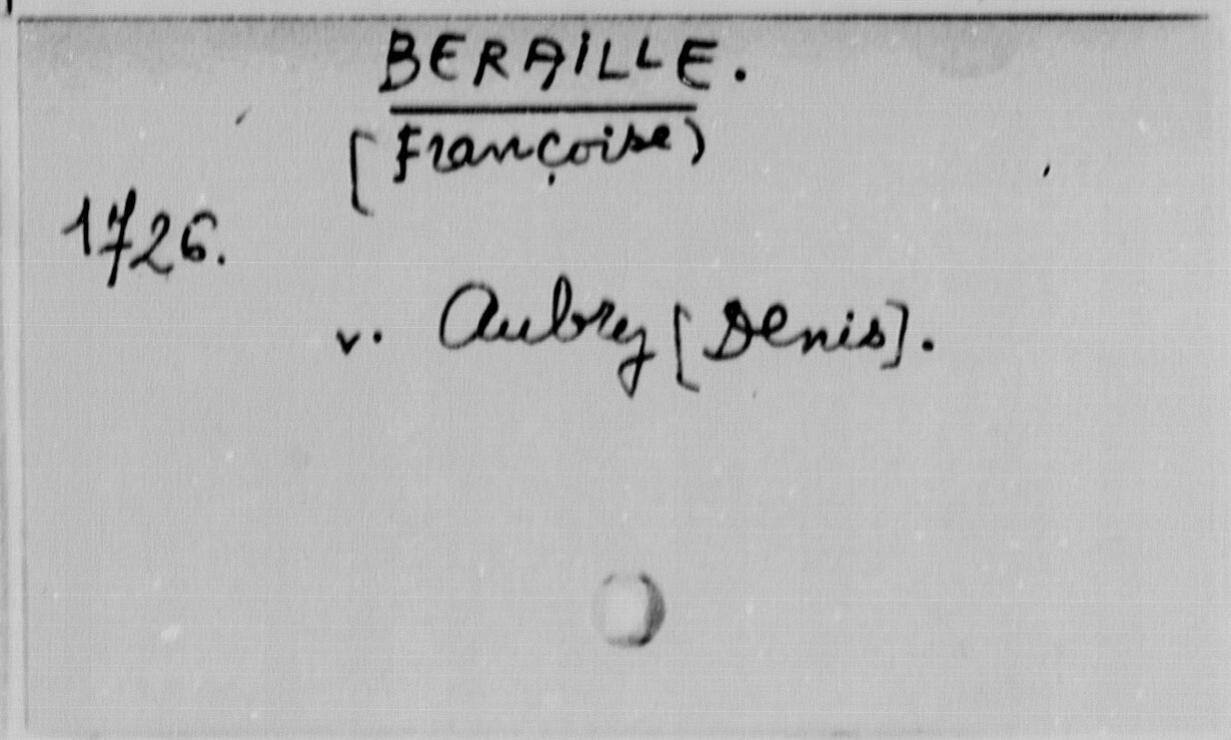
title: BERAILLE (Françoise)
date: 1726
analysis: Voir : AUBRY (Denis)
